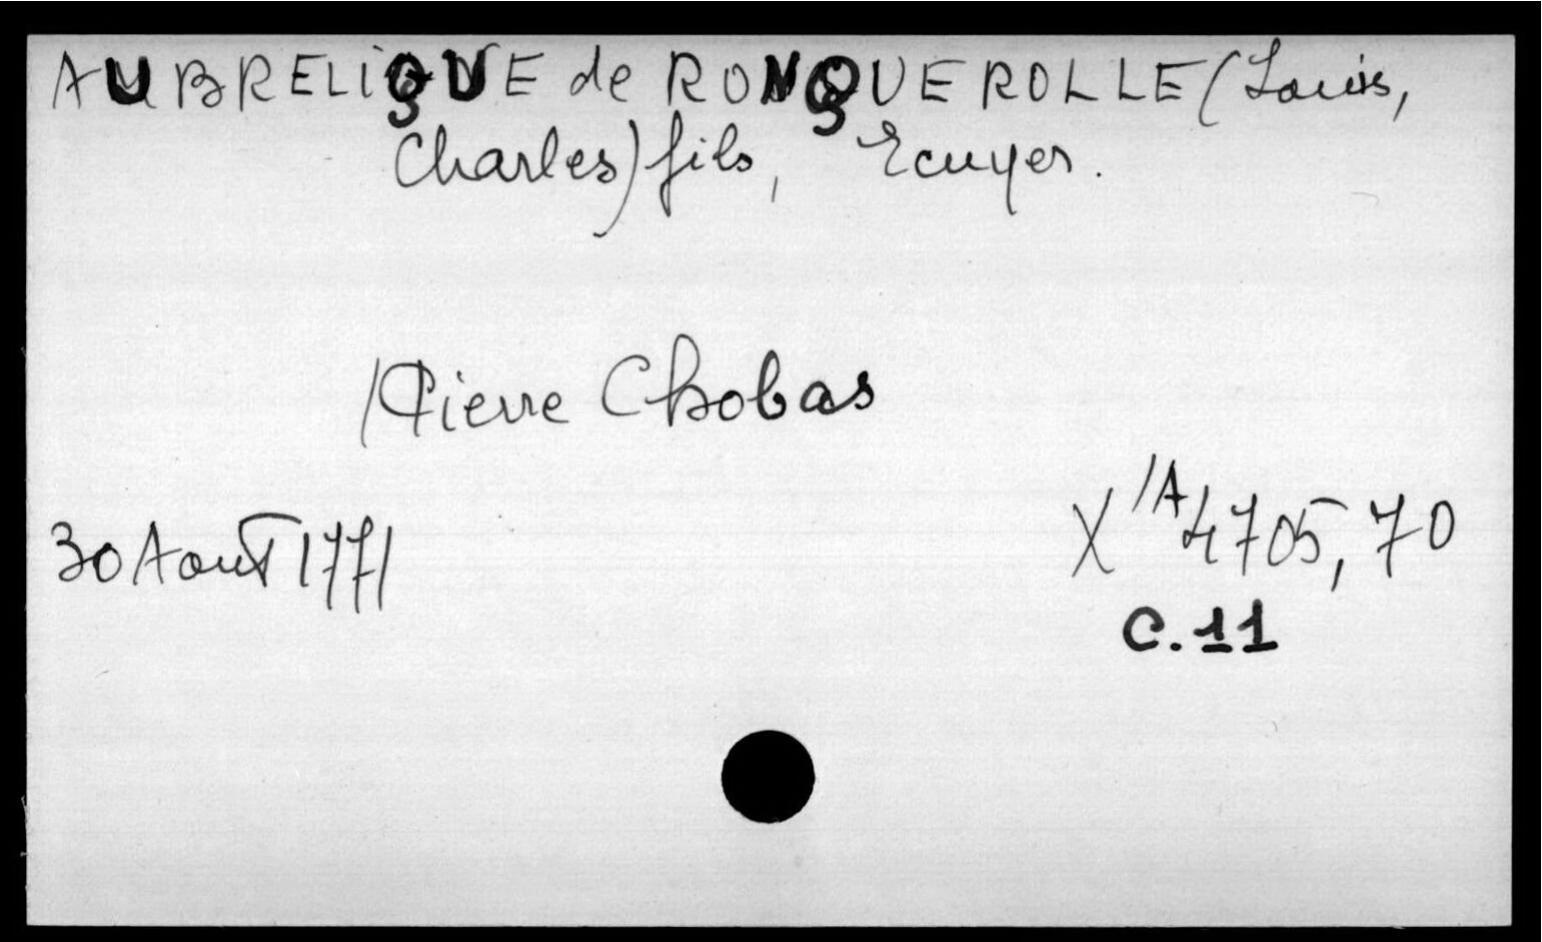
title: AUBRELIQUE DE RONQUEROLLE (Louis, Charles), fils, Écuyer
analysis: Contre Pierre Chobas
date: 30 août 1771
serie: X1A
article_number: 4705
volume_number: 70 Conseil 11
